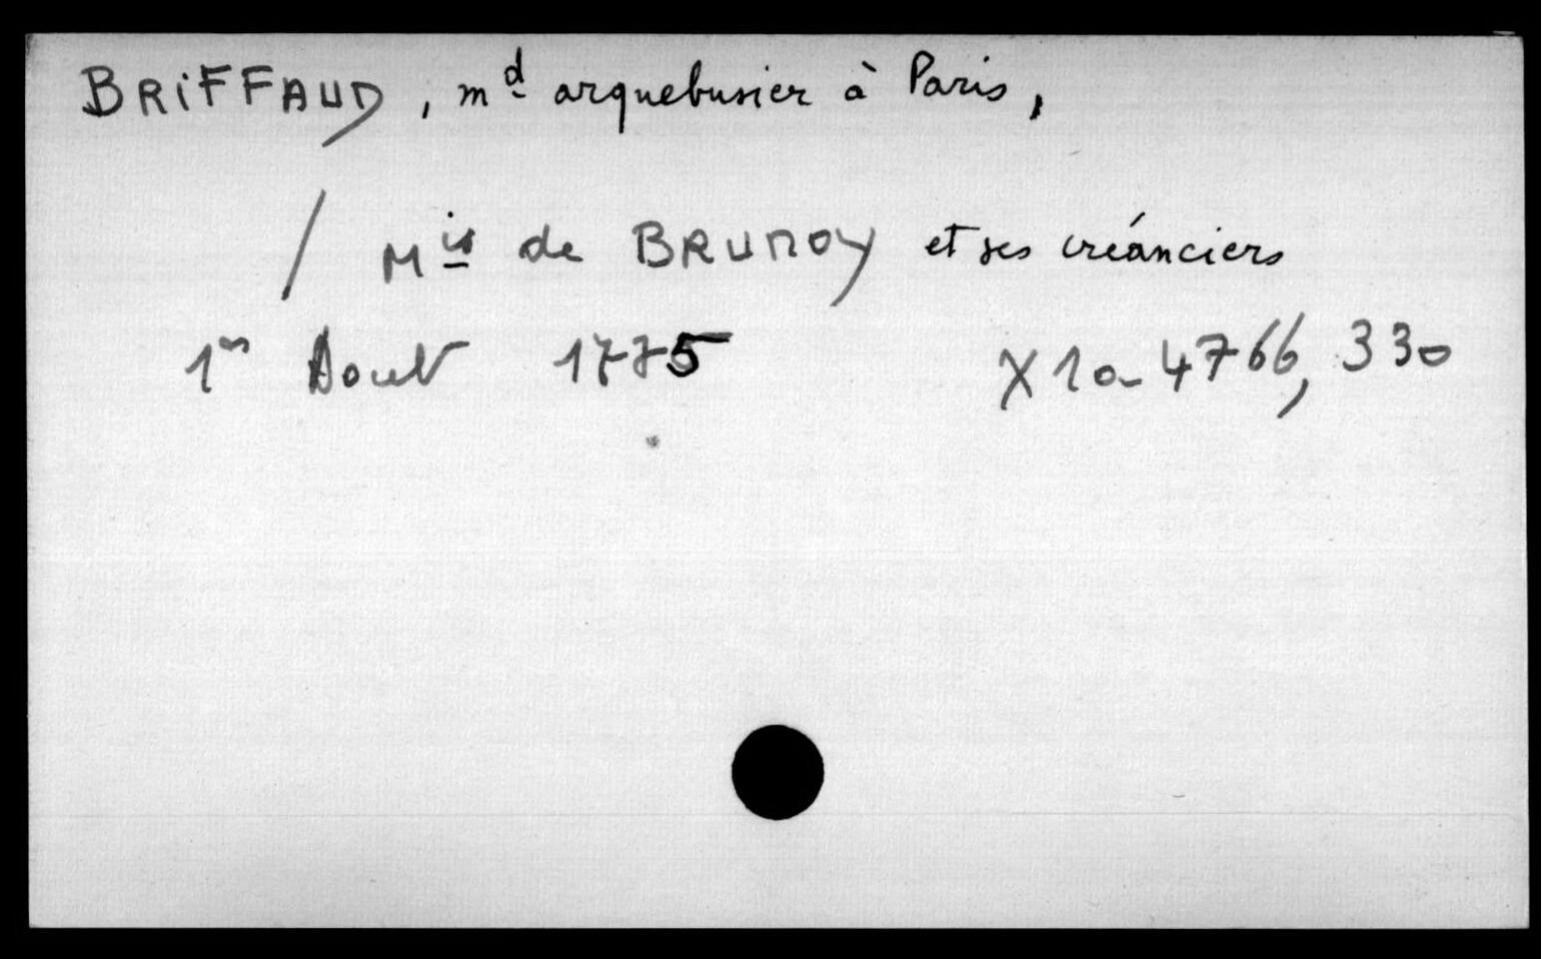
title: BRIFFAUD, marchand arquebusier à Paris.
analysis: Contre marquis de BRUNOY et ses créanciers
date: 1 août 1775
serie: X1a
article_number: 4766
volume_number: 330
